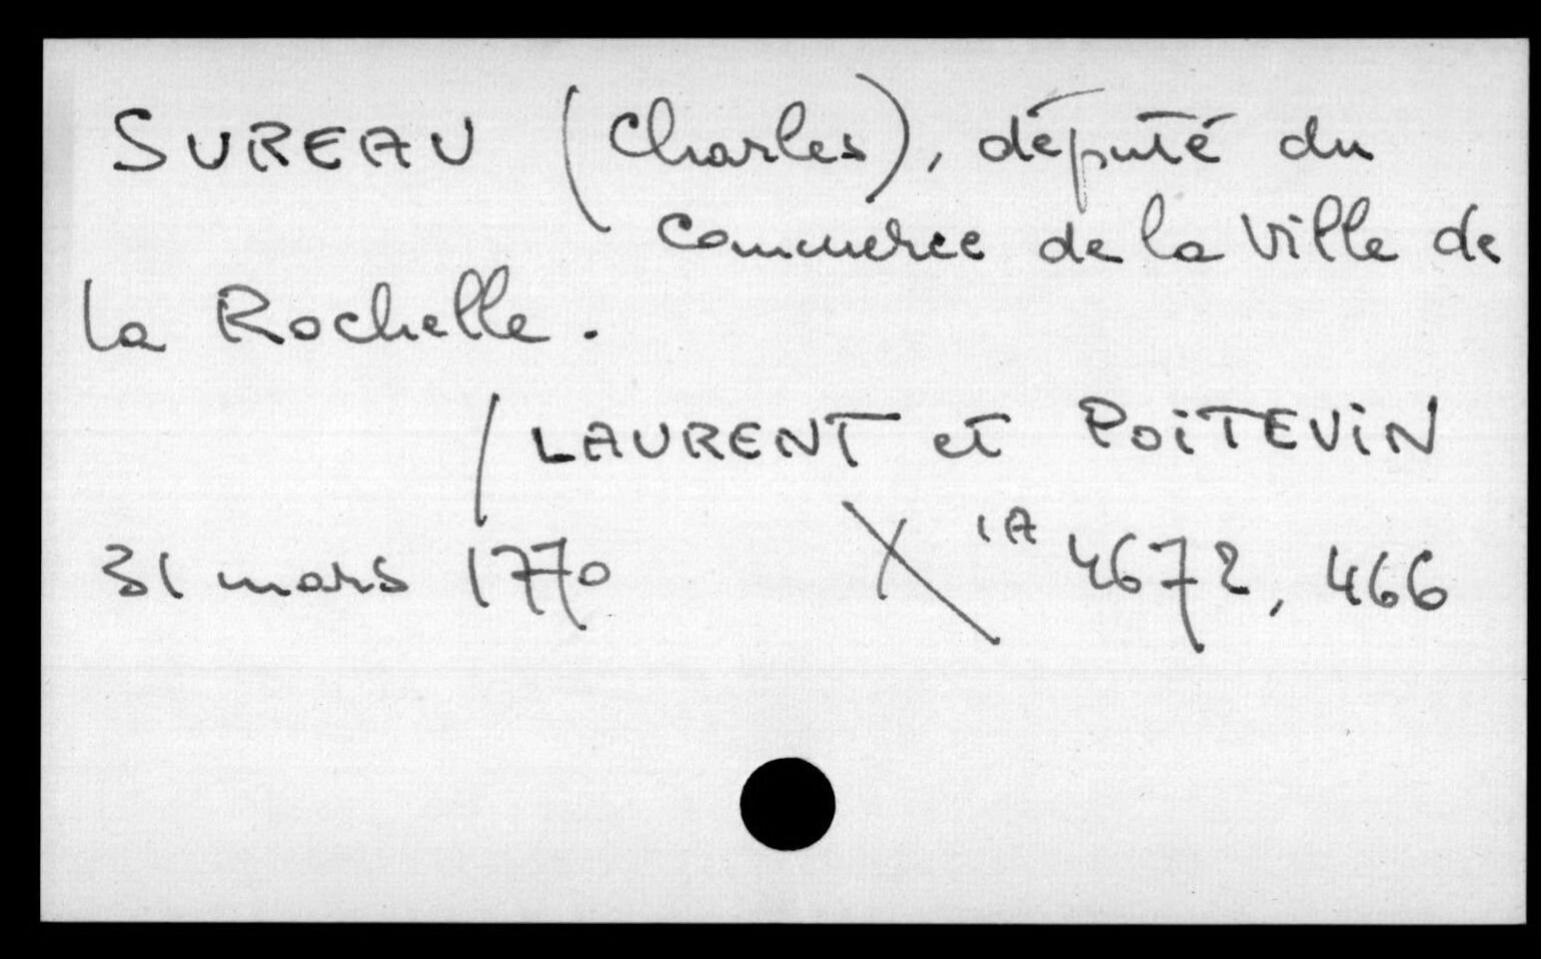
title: SUREAU (Charles), député du commerce de la ville de La Rochelle
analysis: Contre LAURENT et POITEVIN
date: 31 mars 1770
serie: X1A
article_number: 4672
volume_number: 466
